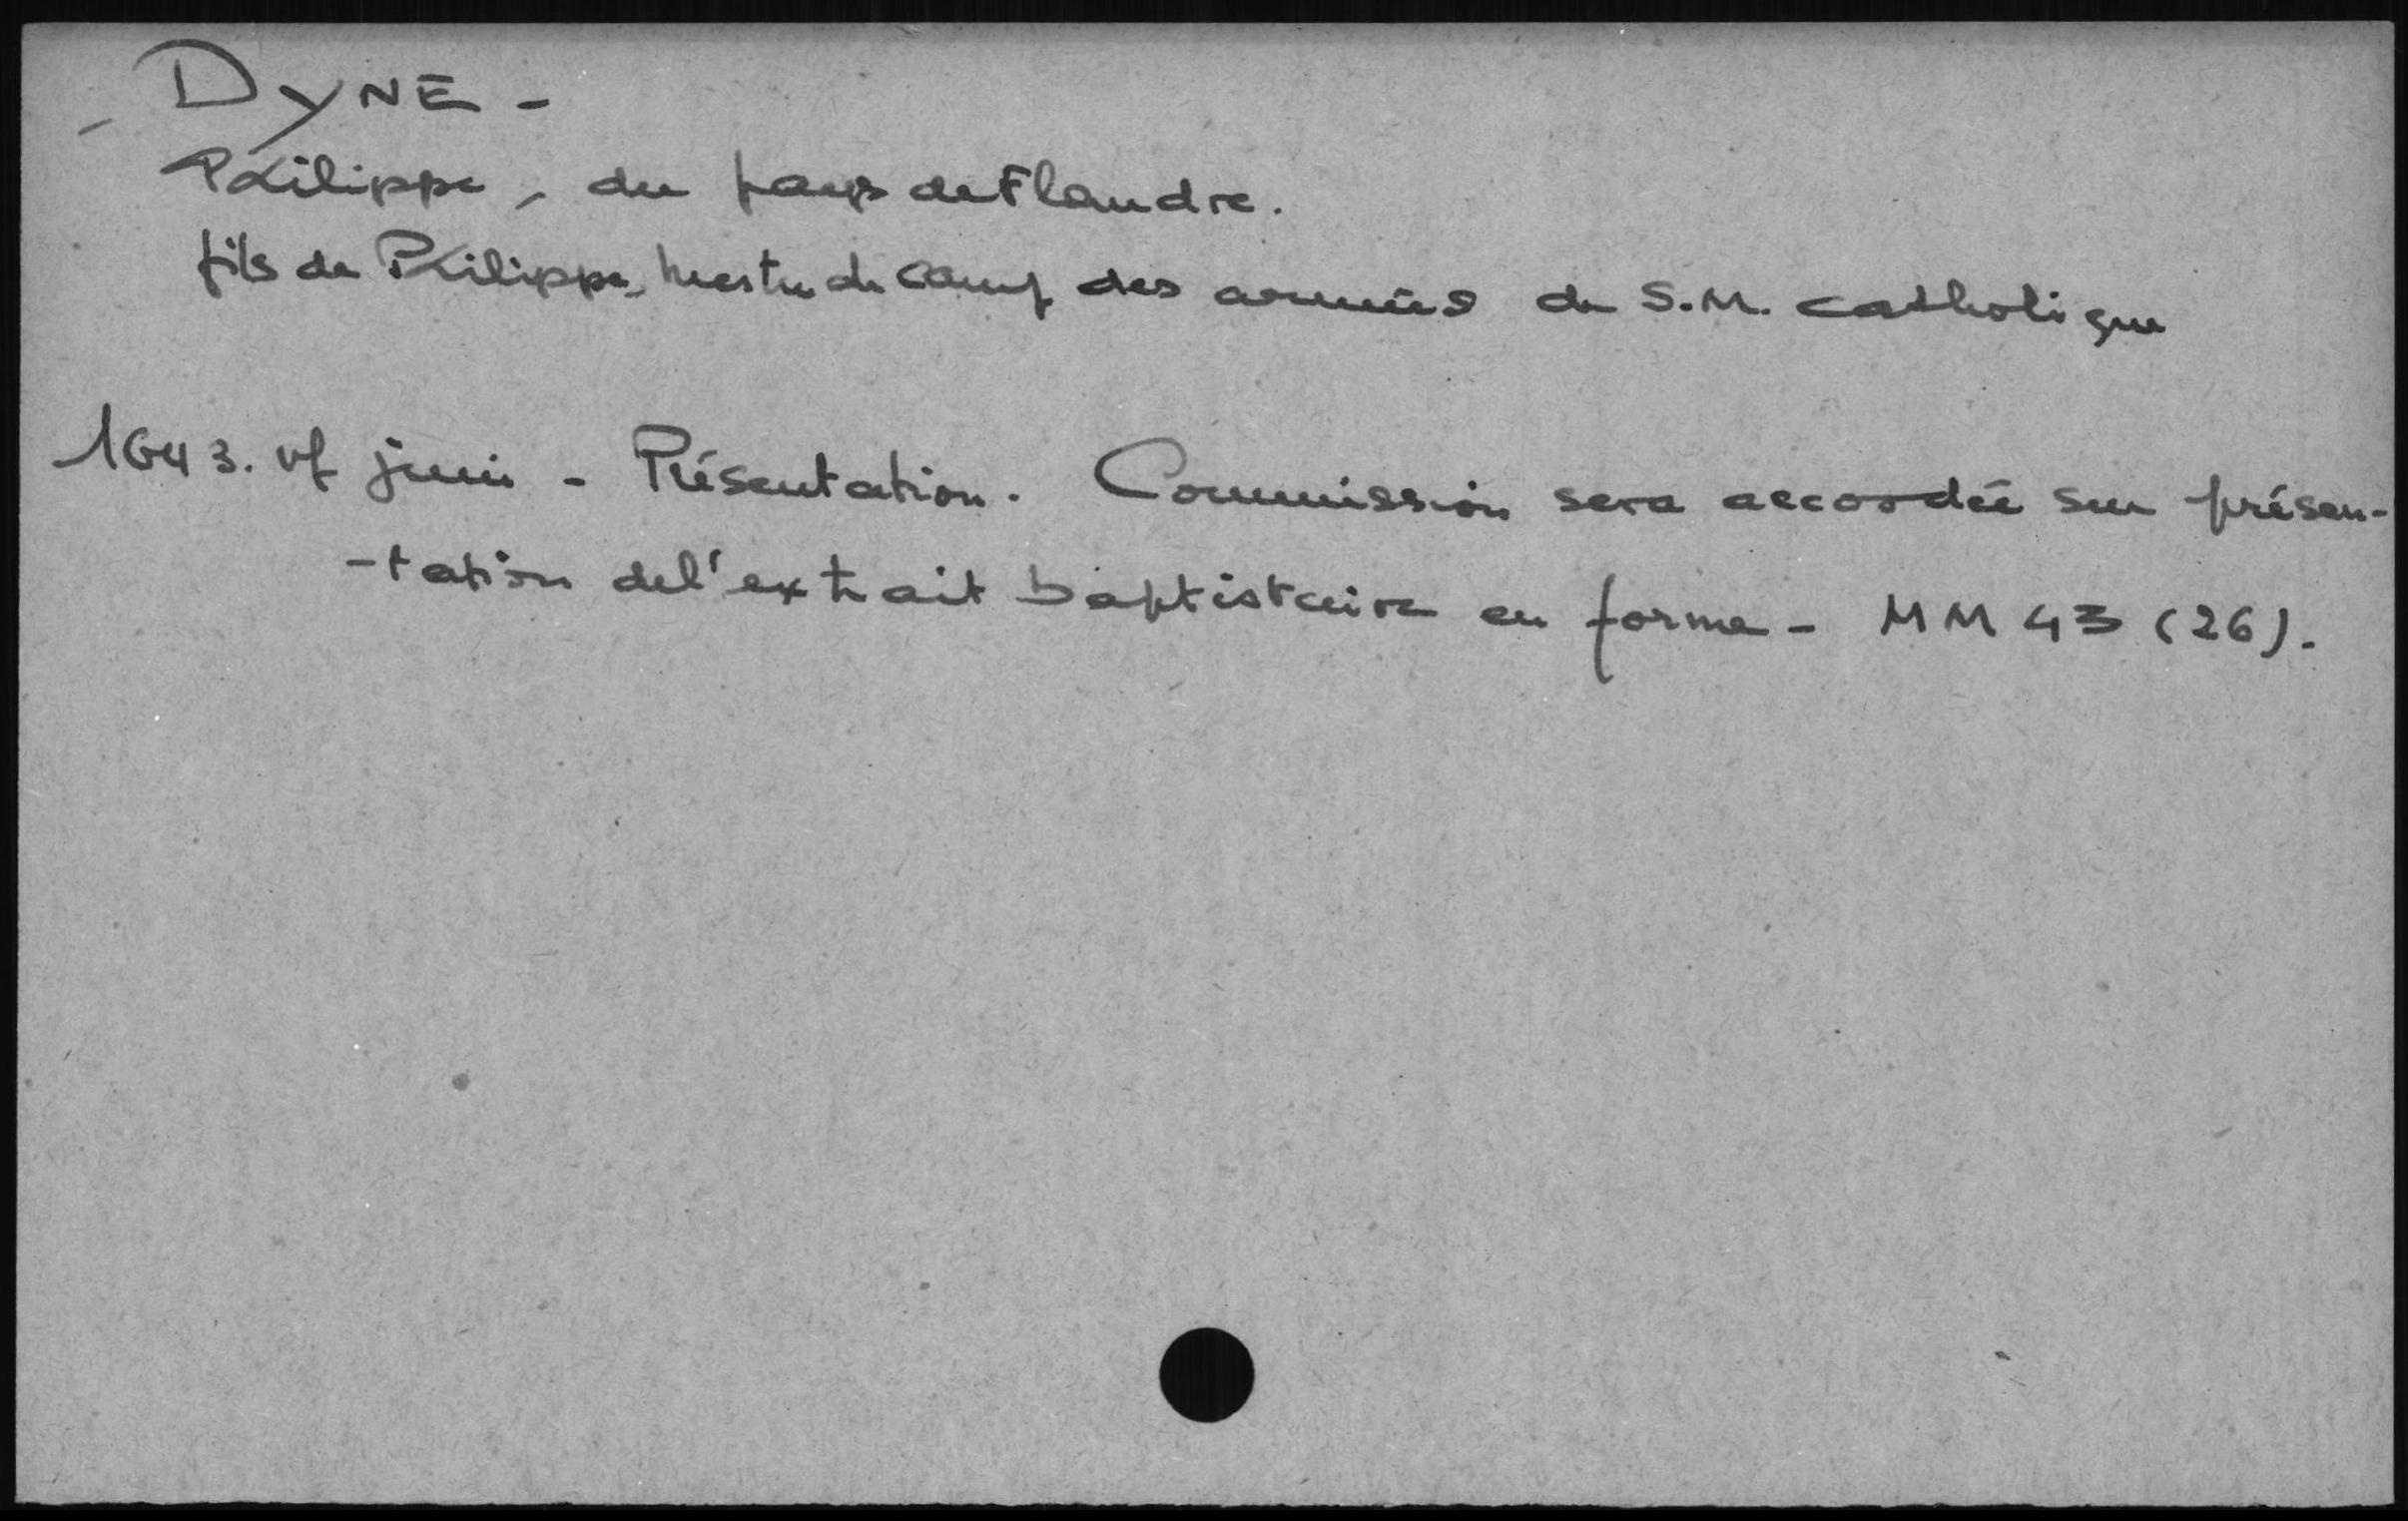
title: DYNE, Philippe, du pays de Flandre, fils de Philippe, mestre de camp des armées de S.M. Catholique
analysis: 1643, 17 juin. Présentation. Commission sera accordée sur présentation de l'extrait baptistaire en forme. MM 43 (26).
